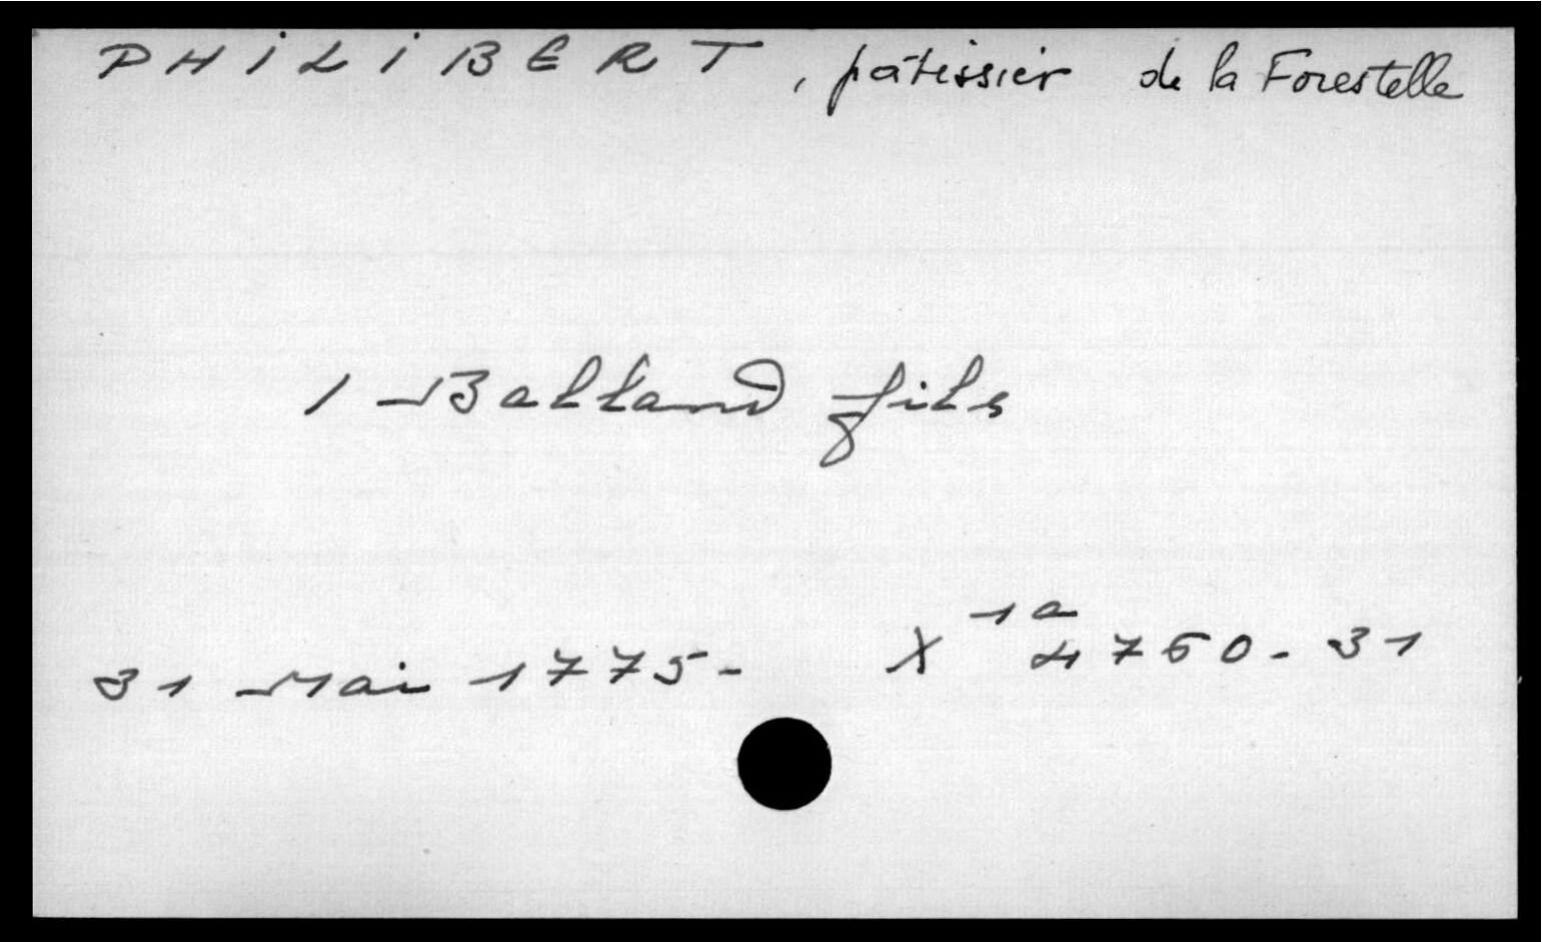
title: PHILIBERT, pâtissier de la Forestelle
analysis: Contre Balland fils
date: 31 mai 1775
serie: X1a
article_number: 4760
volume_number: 31
